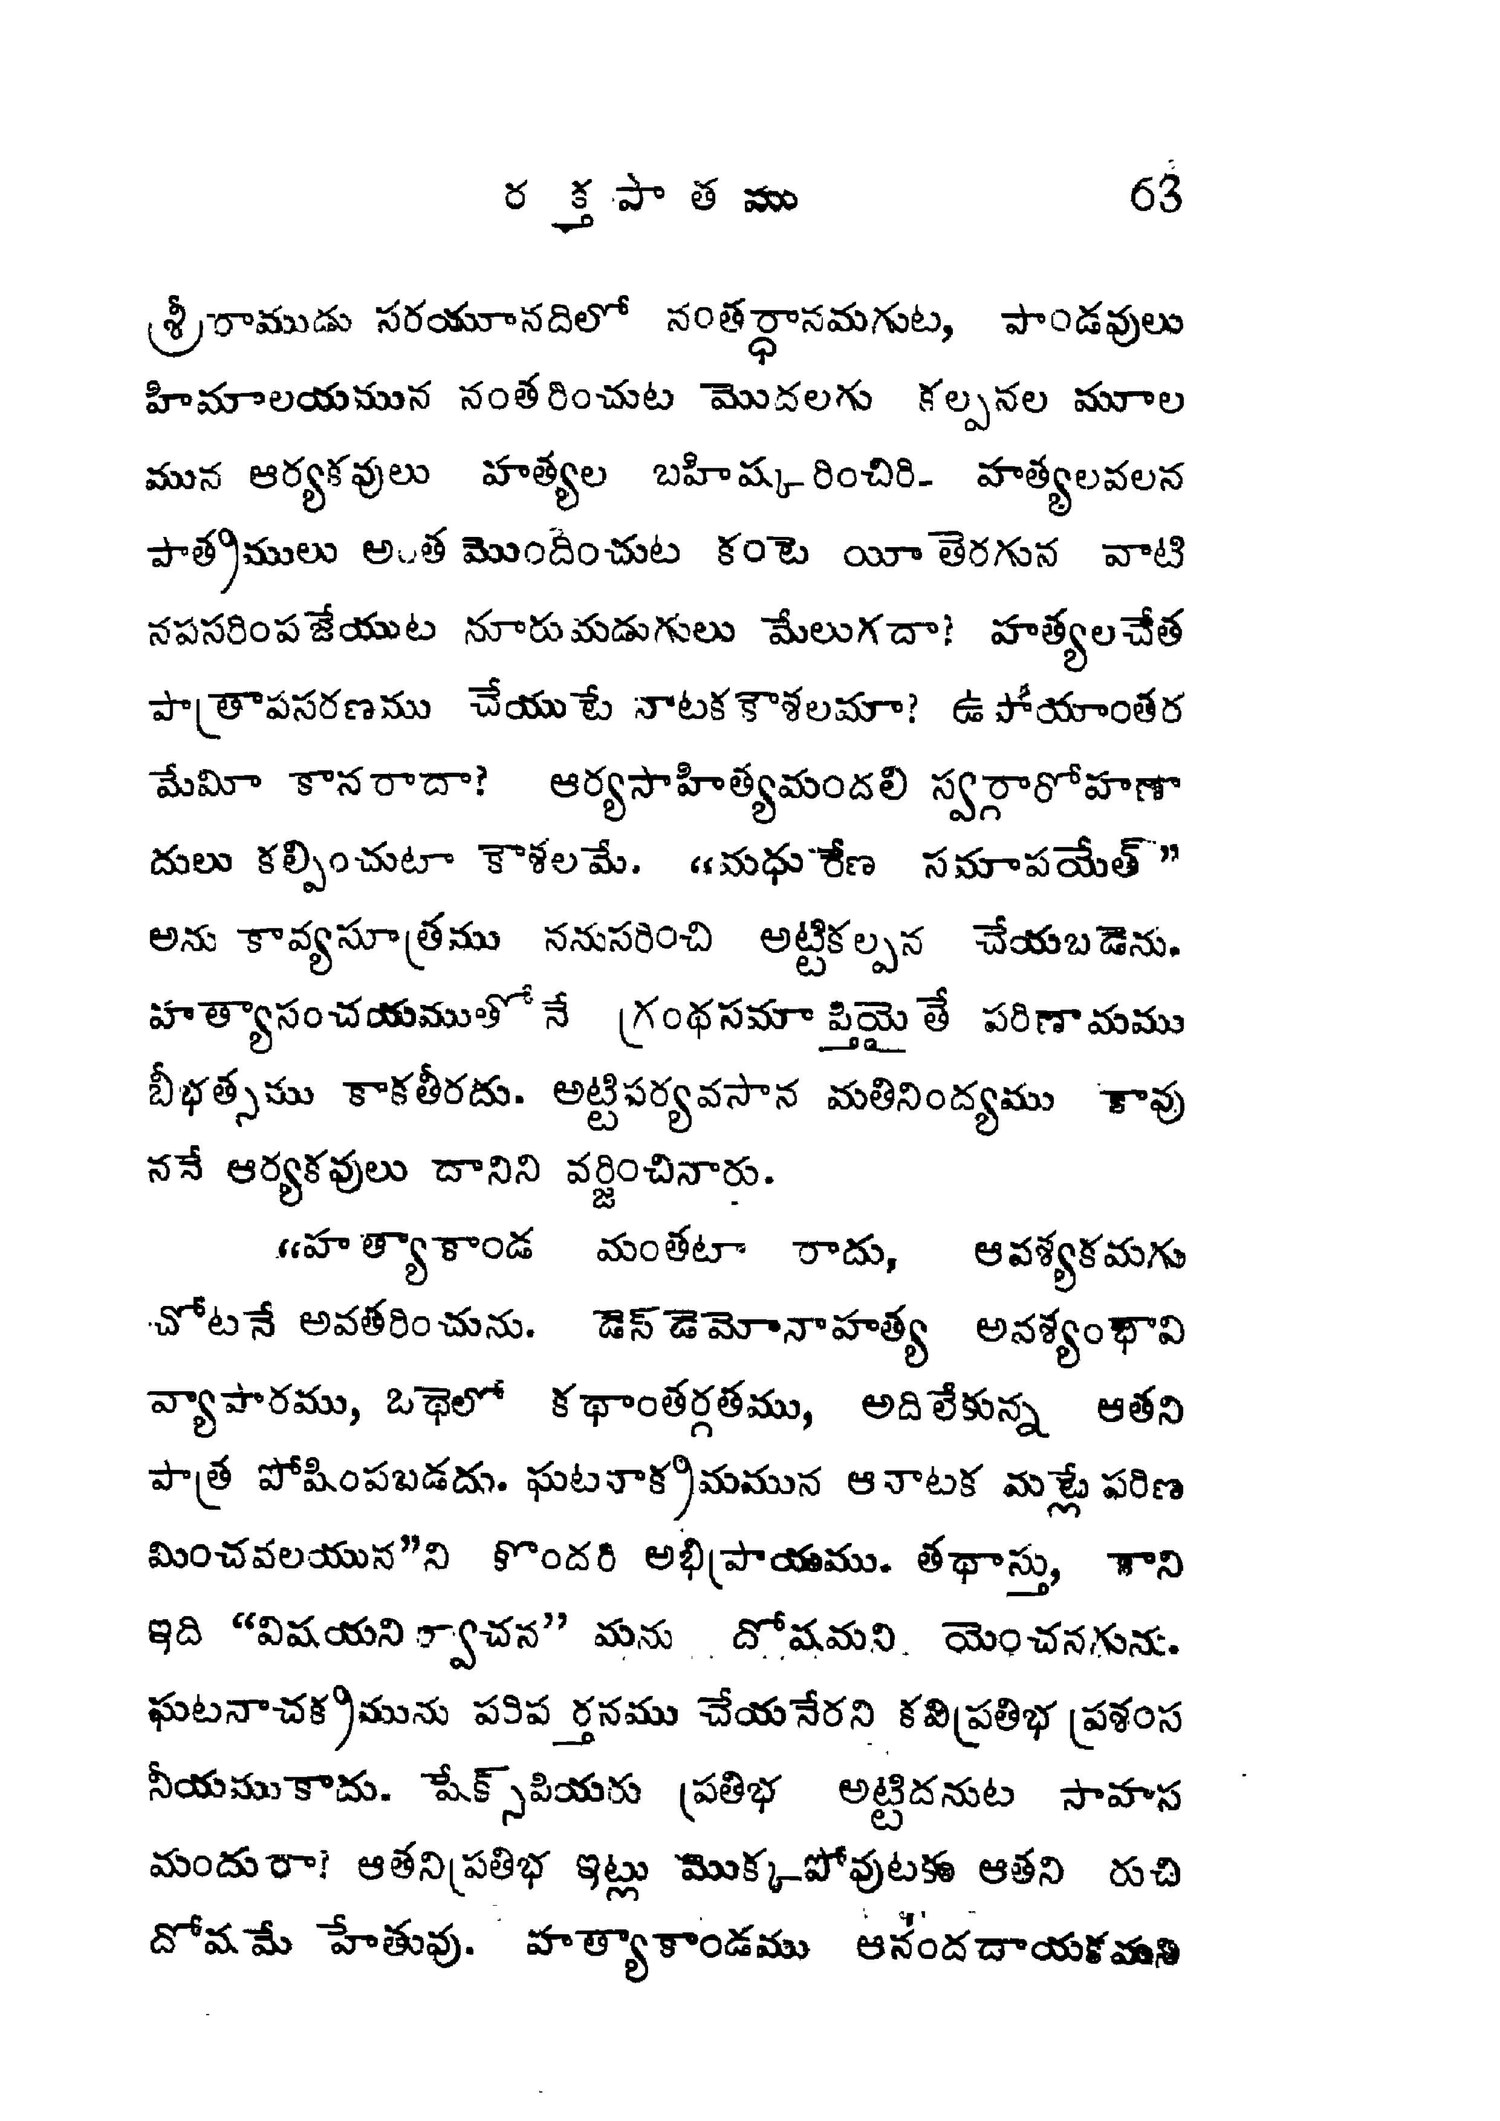శ్రీరాముడు సరయూనదిలో నంతర్ధానమగుట, పాండవులు హిమాలయమున నంతరించుట మొదలగు కల్పనల మూలమున ఆర్యకవులు హత్యల బహిష్కరించిరి - హత్యలవలన పాత్రములు అంత మొందించుట కంటె యీ తెరగున వాటి నపసరింపజేయుట నూరుమడుగులు మేలుగదా? హత్యలచేత పాత్రాపసరణము చేయుటే నాటకకౌశలమా? ఉపాయాంతర మేమీ కానరాదా? ఆర్యసాహిత్యమందలి స్వర్గారోహణాదులు కల్పించుటా కౌశలమే. "మధురేణ సమావయేత్" అను కావ్యసూత్రము ననుసరించి అట్టికల్పన చేయబడెను. హత్యాసంచయముతోనే గ్రంథసమాప్తియైతే పరిణామము బీభత్సము కాకతీరదు. అట్టిపర్యవసాన మతినింద్యము కావు ననే ఆర్యకవులు దానిని వర్జించినారు.

"హత్యాకాండ మంతటా రాదు, ఆవశ్యకమగు చోటనే అవతరించును. డెస్‌డెమోనాహత్య అవశ్యంభౌవి వ్యాపారము, ఒథెలో కథాంతర్గతము, అదిలేకున్న ఆతని పాత్ర పోషింపబడదు. ఘటనాక్రమమున ఆనాటక మట్లే పరిణమించవలయున"ని కొందరి అభిప్రాయము. తథాస్థు, కాని ఇది "విషయనిర్వాచన" మను దోషమని యెంచనగును. ఘటనాచక్రమును పరివర్తనము చేయనేరని కవిప్రతిభ ప్రశంసనీయముకాదు. షేక్స్‌పియరు ప్రతిభ అట్టిదనుట సాహస మందురా? ఆతనిప్రతిభ ఇట్లు మొక్కపోవుటకు ఆతని రుచి దోషమే హేతువు. హత్యాకాండము ఆనందదాయకమని